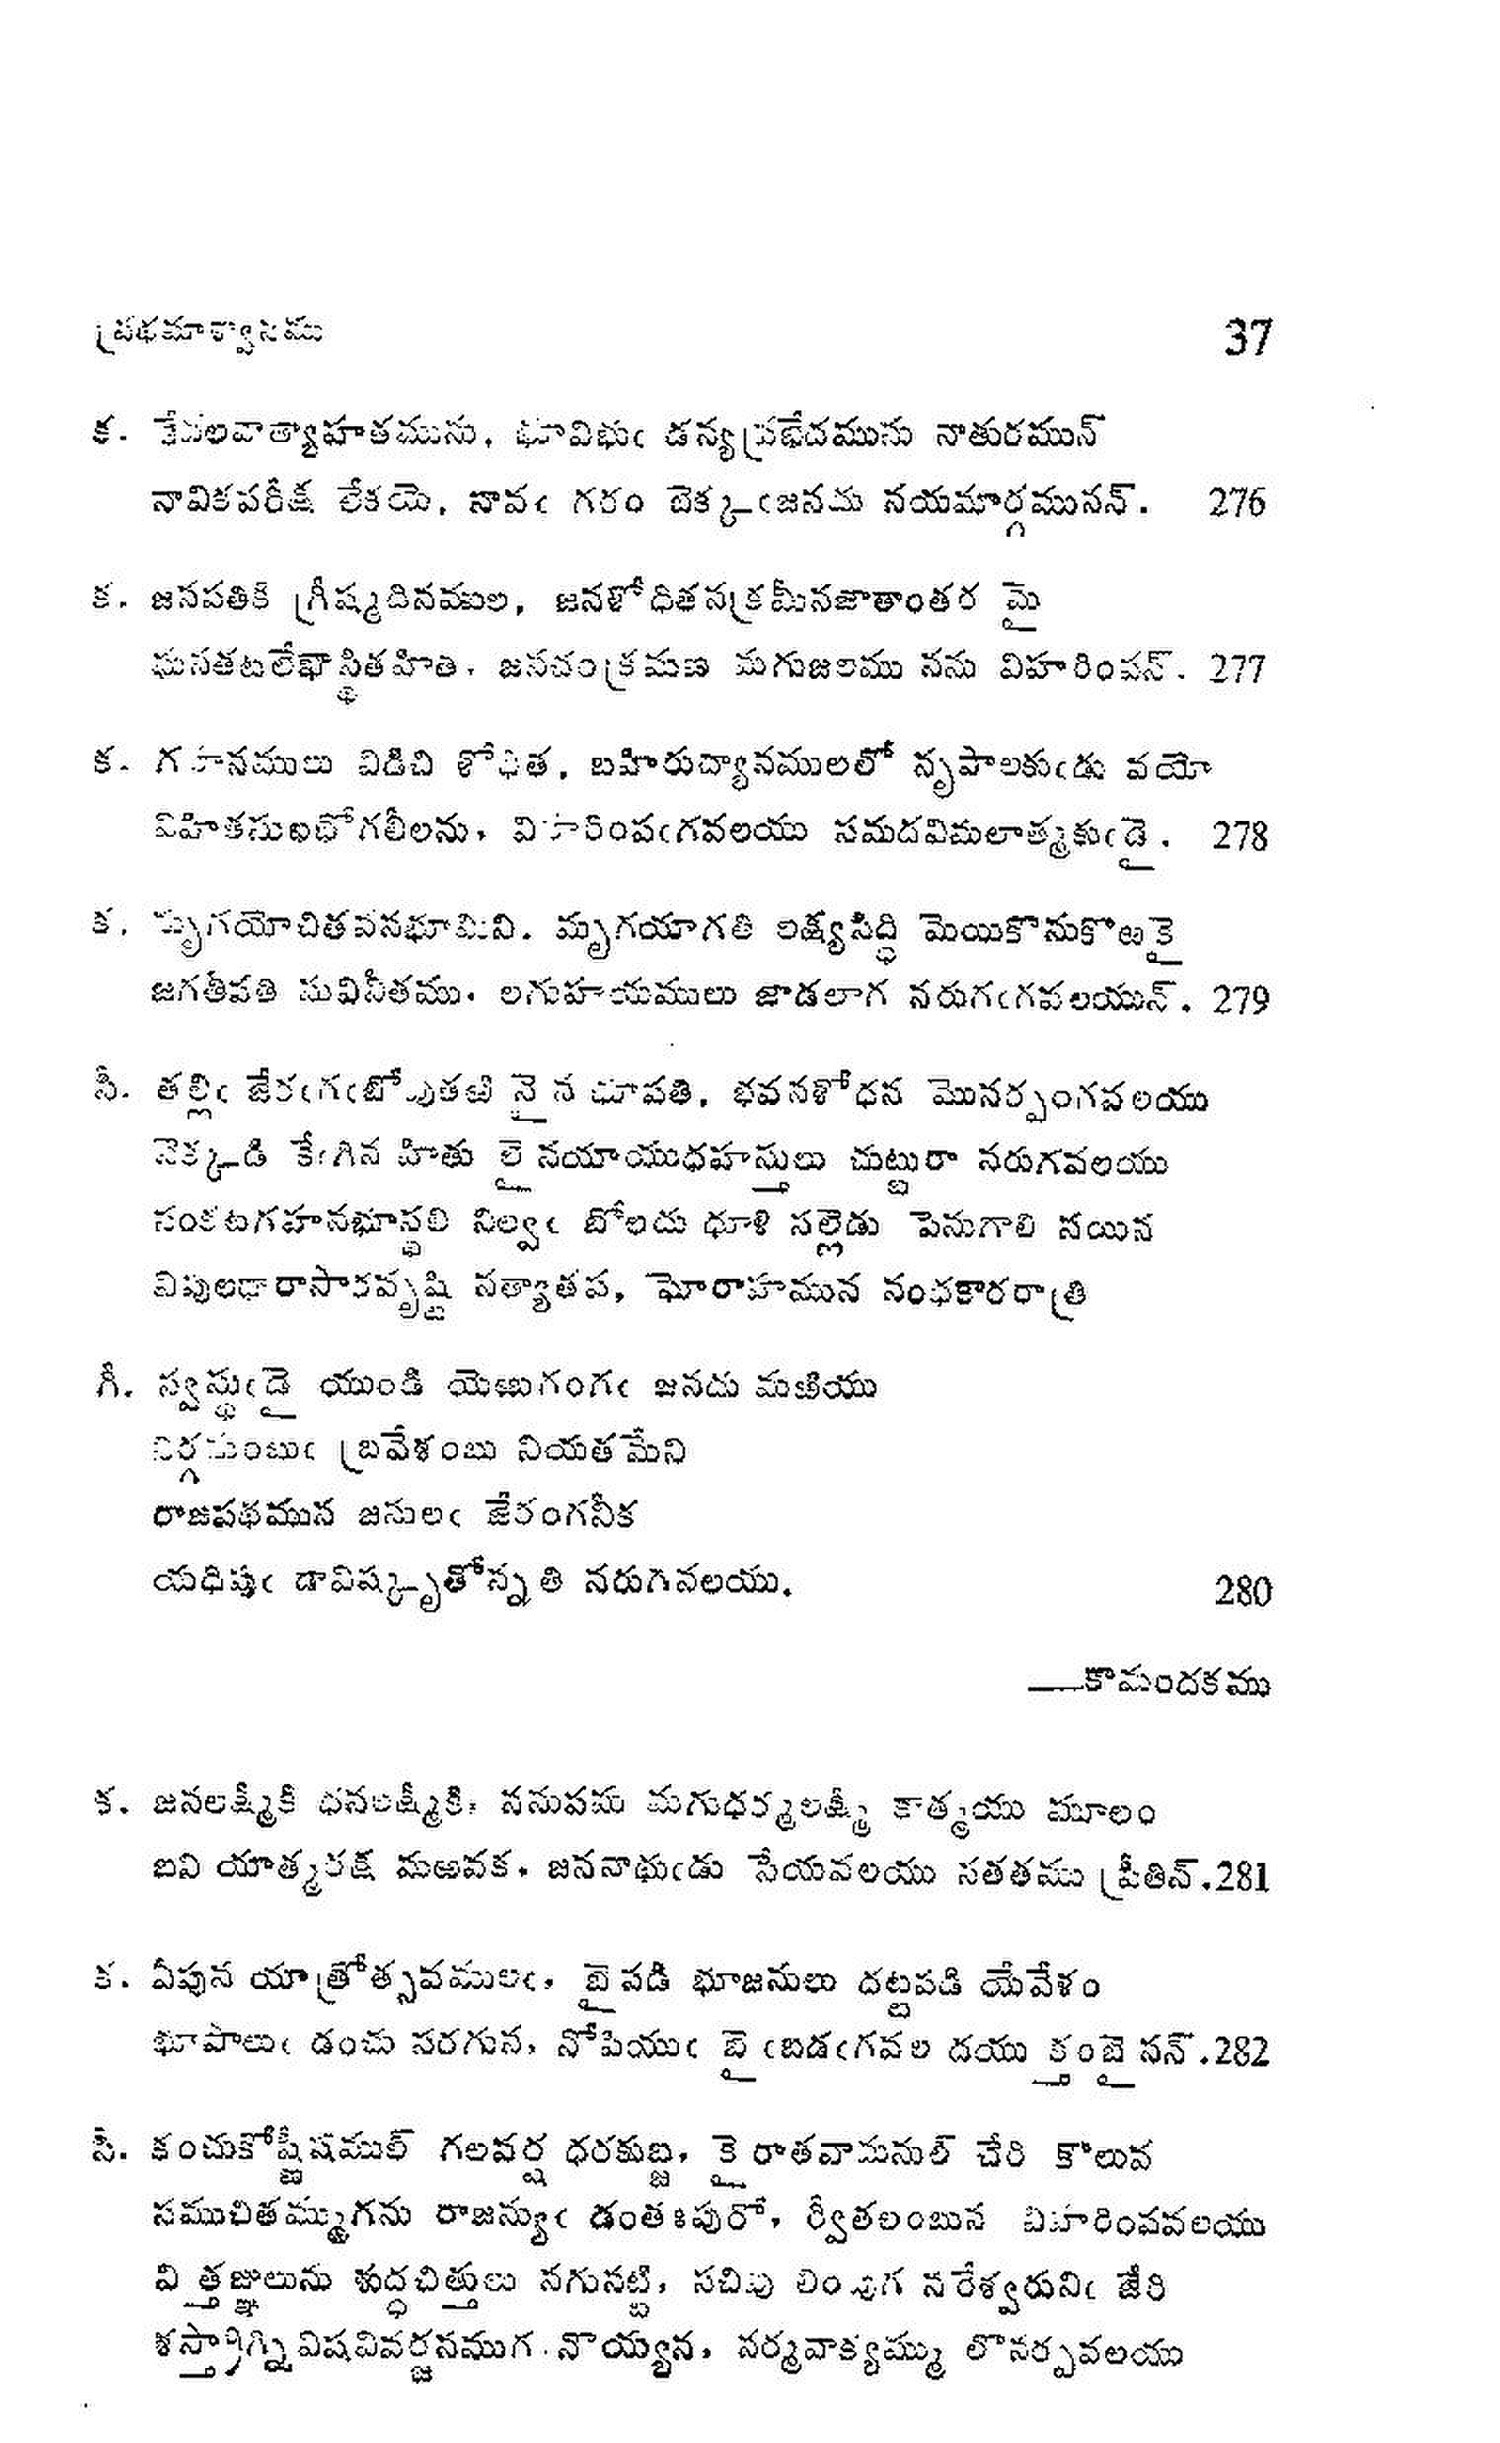క. కేవలవాత్యాహతమును
భూవిభుఁ డన్యప్రభేదమును నాతురమున్
నావికపరీక్ష లేకయె
నావఁ గరం బెక్కఁజనదు నయమార్గమునన్. 276

క. జనపతికి గ్రీష్మదినముల
జనశోధితనక్రమీనజాతాంతర మై
ఘనతటలేఖాస్థితహిత
జనచంక్రమణ మగుజలము నను విహరింపన్. 277

క. గహనములు విడిచి శోభిత
బహిరుద్యానములలో నృపాలకుఁడు వయో
విహితసుఖభోగలీలను
విహరింపఁగవలయు సమదవిమలాత్మకుఁడై. 278

క. మృగయోచితవనభూమిని
మృగయాగతి లక్ష్యసిద్ధి మెయికొనుకొఱకై
జగతీపతి సువినీతము
లగు హయములు జాడలాఁగ నరుగఁగవలయున్. 279

సీ. తల్లిఁ జేరఁగఁబోవుతఱినైన భూపతి
భవనశోధన మొనర్పంగవలయు
నెక్కడి కేఁగిన హితు లైన యాయుధ
హస్తులు చుట్టురా నరుగవలయు
సంకటగహనభూస్థలి నిల్వఁ బోలదు
ధూళి సల్లెడు పెనుగాలి నయిన
విపులధారాసారవృష్టి సత్యాతప
ఘోరాహమున నంధకారరాత్రి
గీ. స్వస్థుఁడై యుండి యెఱుగంగఁ జనదు మఱియు
నిర్గమంబుఁ బ్రవేశంబు నియతమేని
రాజపథమున జనులఁ జేరంగనీక
యధిపుఁ డావిష్కృతోన్నతి నరుగవలయు. 280

క. జనలక్ష్మికి ధనలక్ష్మికి
ననుపమ మగు ధర్మలక్ష్మి కాత్మయ మూలం
బని యాత్మరక్ష మఱువక
జననాథుఁడు సేయవలయు సతతము ప్రీతిన్. 281

క. ఏపున యాత్రోత్సవములఁ
బైపడి భూజనులు దట్టపడి యేవేళం
భూపాలుఁ డందు సరగున
నోపియుఁ బైఁబడఁగవల దయుక్తంబైనన్. 282

సీ. కంచుకోష్ణీషముల్ గలవర్ష ధరకుబ్జ
కైరాతవామనుల్ చేరి కొలువ
సముచితమ్ముగను రాజన్యుఁ డంతఃపురో
ర్వీతలంబున విహరింపవలయు
విత్తజ్ఞులును శుద్ధచిత్తులు నగునట్టి
సచివు లింపుగ నరేశ్వరునిఁ జేరి
శస్త్రాగ్నివిషవివర్జనముగ నొయ్యన
నర్మవాక్యమ్ము లొనర్పవలయు